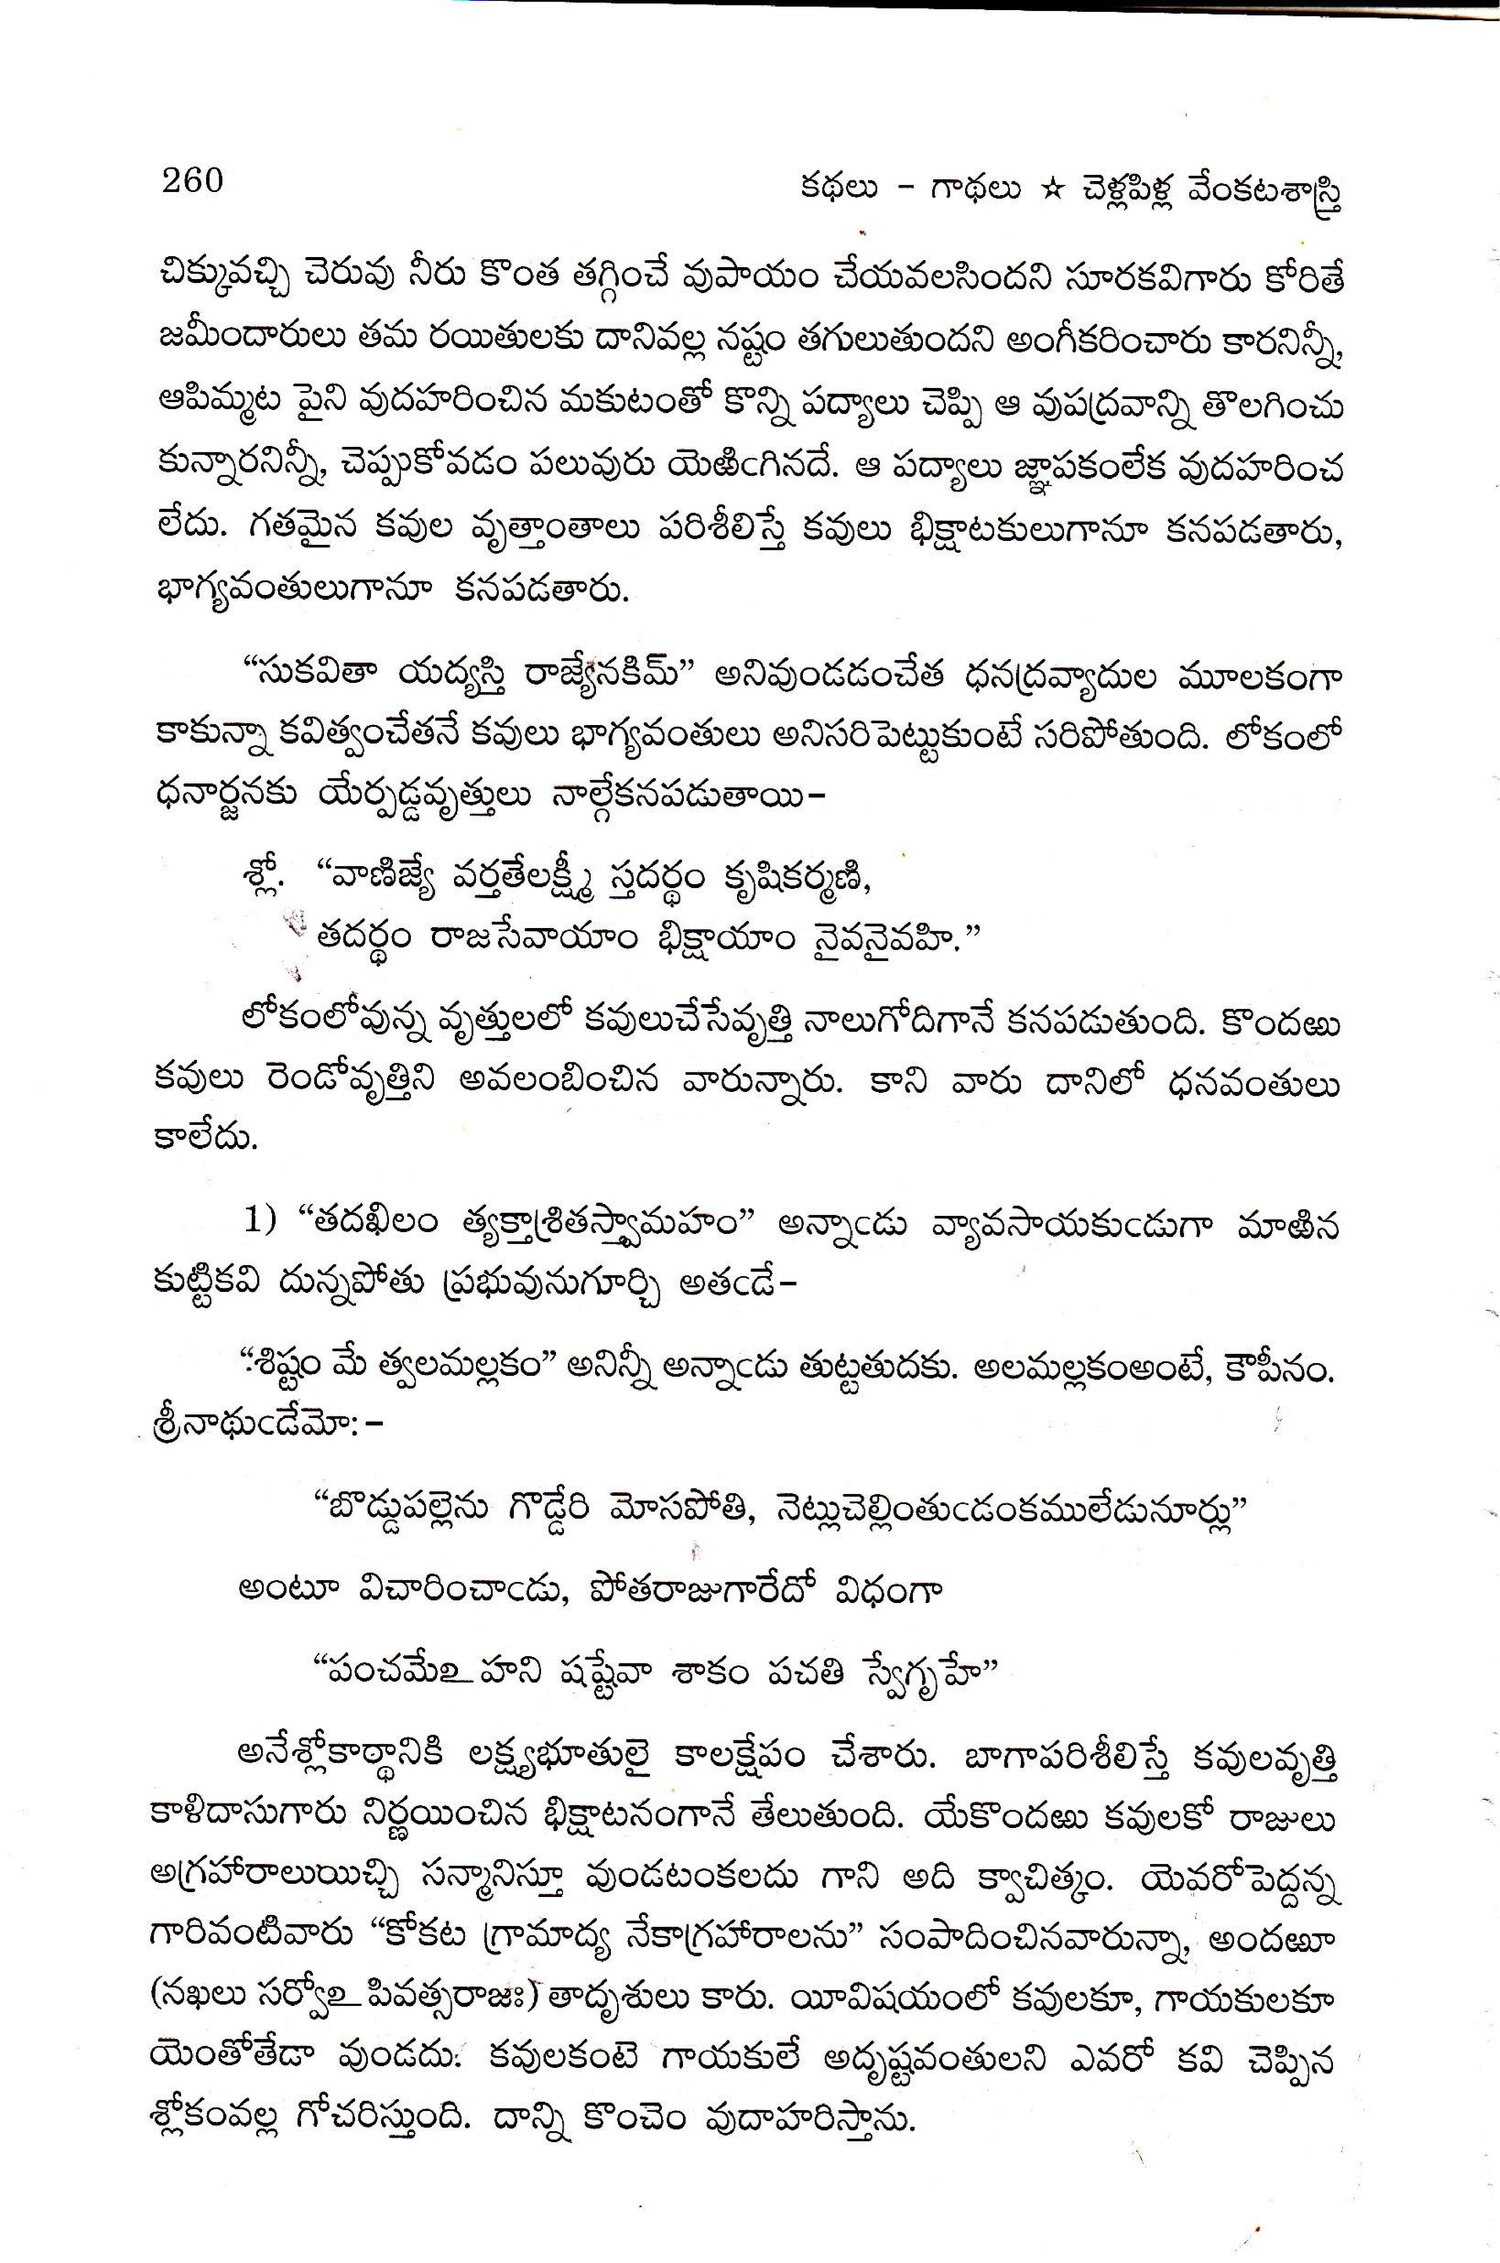చిక్కువచ్చి చెరువు నీరు కొంత తగ్గించే వుపాయం చేయవలసిందని సూరకవిగారు కోరితే జమీందారులు తమ రయితులకు దానివల్ల నష్టం తగులుతుందని అంగీకరించారు కారనిన్నీ ఆపిమ్మట పైని వుదహరించిన మకుటంతో కొన్ని పద్యాలు చెప్పి ఆ వుపద్రవాన్ని తొలగించు కున్నారనిన్నీ చెప్పుకోవడం పలువురు యెఱిఁగినదే. ఆ పద్యాలు జ్ఞాపకంలేక వుదహరించ లేదు. గతమైన కవుల వృత్తాంతాలు పరిశీలిస్తే కవులు భిక్షాటకులుగానూ కనపడతారు, భాగ్యవంతులుగానూ కనపడతారు.

“సుకవితా యద్యస్తి రాజ్యేనకిమ్" అనివుండడంచేత ధనద్రవ్యాదుల మూలకంగా కాకున్నా కవిత్వంచేతనే కవులు భాగ్యవంతులు అనిసరిపెట్టుకుంటే సరిపోతుంది. లోకంలో ధనార్జనకు యేర్పడ్డవృత్తులు నాల్గేకనపడుతాయి

శ్లో. "వాణిజ్యే వర్తతేలక్ష్మీ స్తదర్థం కృషికర్మణి,
 తదర్థం రాజసేవాయాం భిక్షాయాం నైవనైవహి."
లోకంలోవున్న వృత్తులలో కవులుచేసేవృత్తి నాలుగోదిగానే కనపడుతుంది. కొందఱు కవులు రెండోవృత్తిని అవలంబించిన వారున్నారు. కాని వారు దానిలో ధనవంతులు కాలేదు.

1) “తదఖిలం త్యక్తాశ్రితస్త్వామహం” అన్నాఁడు వ్యావసాయకుఁడుగా మాఱిన కుట్టికవి దున్నపోతు ప్రభువునుగూర్చి అతఁడే- 

‘శిష్టం మే త్వలమల్లకం" అనిన్నీ అన్నాఁడు తుట్టతుదకు. అలమల్లకంఅంటే, కౌపీనం, శ్రీనాథుఁడేమో:- .

"బొడ్డుపల్లెను గొడ్డేరి మోసపోతి, నెట్లుచెల్లింతుడంకములేడునూర్లు" 
అంటూ విచారించాండు, పోతరాజుగారేదో విధంగా

“పంచమే౽హని షఫ్టేవా శాకం పచతి స్వేగృహే"
అనేశ్లోకార్ధానికి లక్ష్యభూతులై కాలక్షేపం చేశారు. బాగా పరిశీలిస్తే కవులవృత్తి కాళిదాసుగారు నిర్ణయించిన భిక్షాటనంగానే తేలుతుంది. యేకొందఱు కవులకో రాజులు అగ్రహారాలుయిచ్చి సన్మానిస్తూ వుండటంకలదు గాని అది క్వాచిత్కం. యెవరోపెద్దన్న గారివంటివారు "కోకట గ్రామాద్య నేకాగ్రహారాలను" సంపాదించినవారున్నా అందఱూ (నఖలు సర్వో౽పివత్సరాజః) తాదృశులు కారు. యీవిషయంలో కవులకూ, గాయకులకూ యెంతోతేడా వుండదు. కవులకంటె గాయకులే అదృష్టవంతులని ఎవరో కవి చెప్పిన శ్లోకంవల్ల గోచరిస్తుంది. దాన్ని కొంచెం వుదాహరిస్తాను.